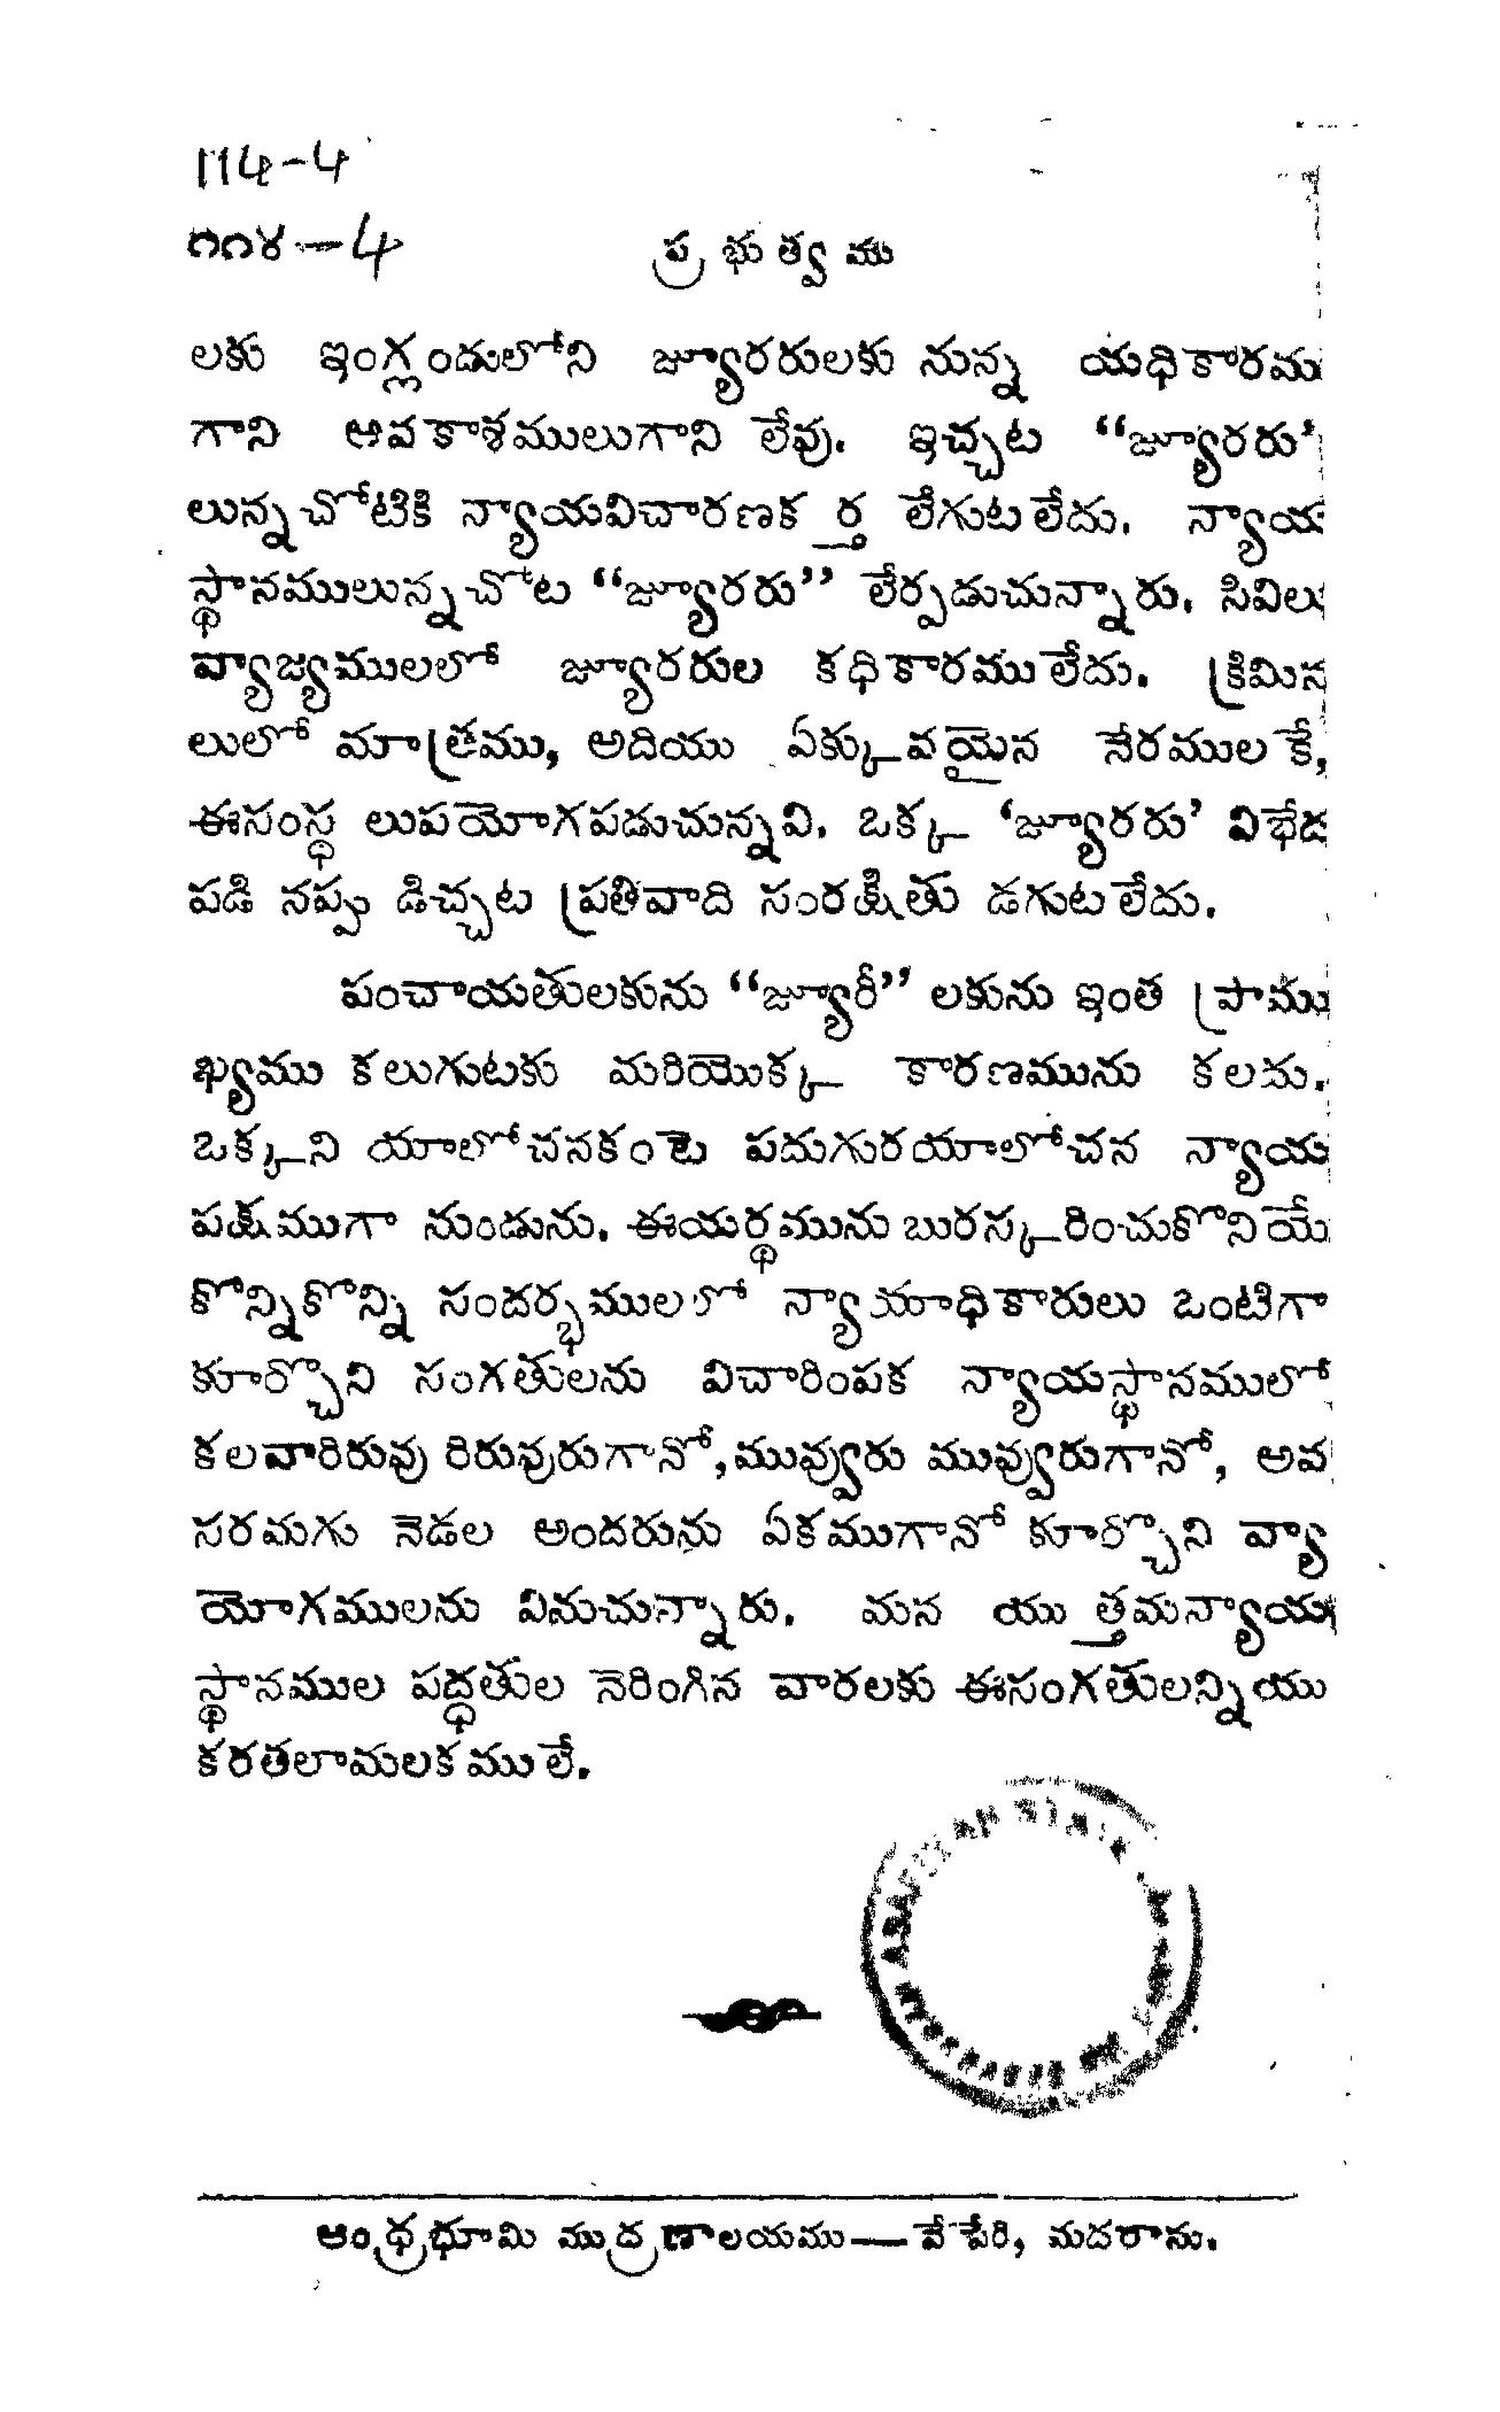లకు ఇంగ్లండులోని జ్యూరరులకు నున్న యధికారము గాని ఆవకాశములుగాని లేవు. ఇచ్చట “జ్యూరరు" లున్నచోటికి న్యాయవిచారణకర్త లేగుటలేదు. న్యాయస్థానములున్నచోట “జ్యూరరు” లేర్పడుచున్నారు. సివిలు వ్యాజ్యములలో జ్యూరరుల కధికారములేదు. క్రిమినలులో మాత్రము, అదియు ఎక్కువయైన నేరములకే, ఈసంస్థ లుపయోగపడుచున్నవి. ఒక్క 'జ్యూరరు' విభేదపడి నప్పు డిచ్చట ప్రతివాది సురక్షితు డగుటలేదు.

పంచాయతులకును “జ్యూరీ” లకును ఇంత ప్రాముఖ్యము కలుగుటకు మరియొక్క కారణమును కలదు. ఒక్కని యాలోచనకంటె పదుగురయాలోచన న్యాయపక్షముగా నుండును. ఈయర్థమును బురస్కరించుకొనియే కొన్నికొన్ని సందర్భములలో న్యాయాధికారులు ఒంటిగా కూర్చొని సంగతులను విచారింపక న్యాయస్థానములో కలవారిరువు రిరువురుగానో, మువ్వురు మువ్వురుగానో, అవసరమగు నెడల అందరును ఏకముగానో కూర్చొని వ్యా యోగములను వినుచున్నారు. మన యుత్తమన్యాయ
స్థానముల పద్ధతుల నెరింగిన వారలకు ఈసంగతులన్నియు కరతలామలకములే.

__________